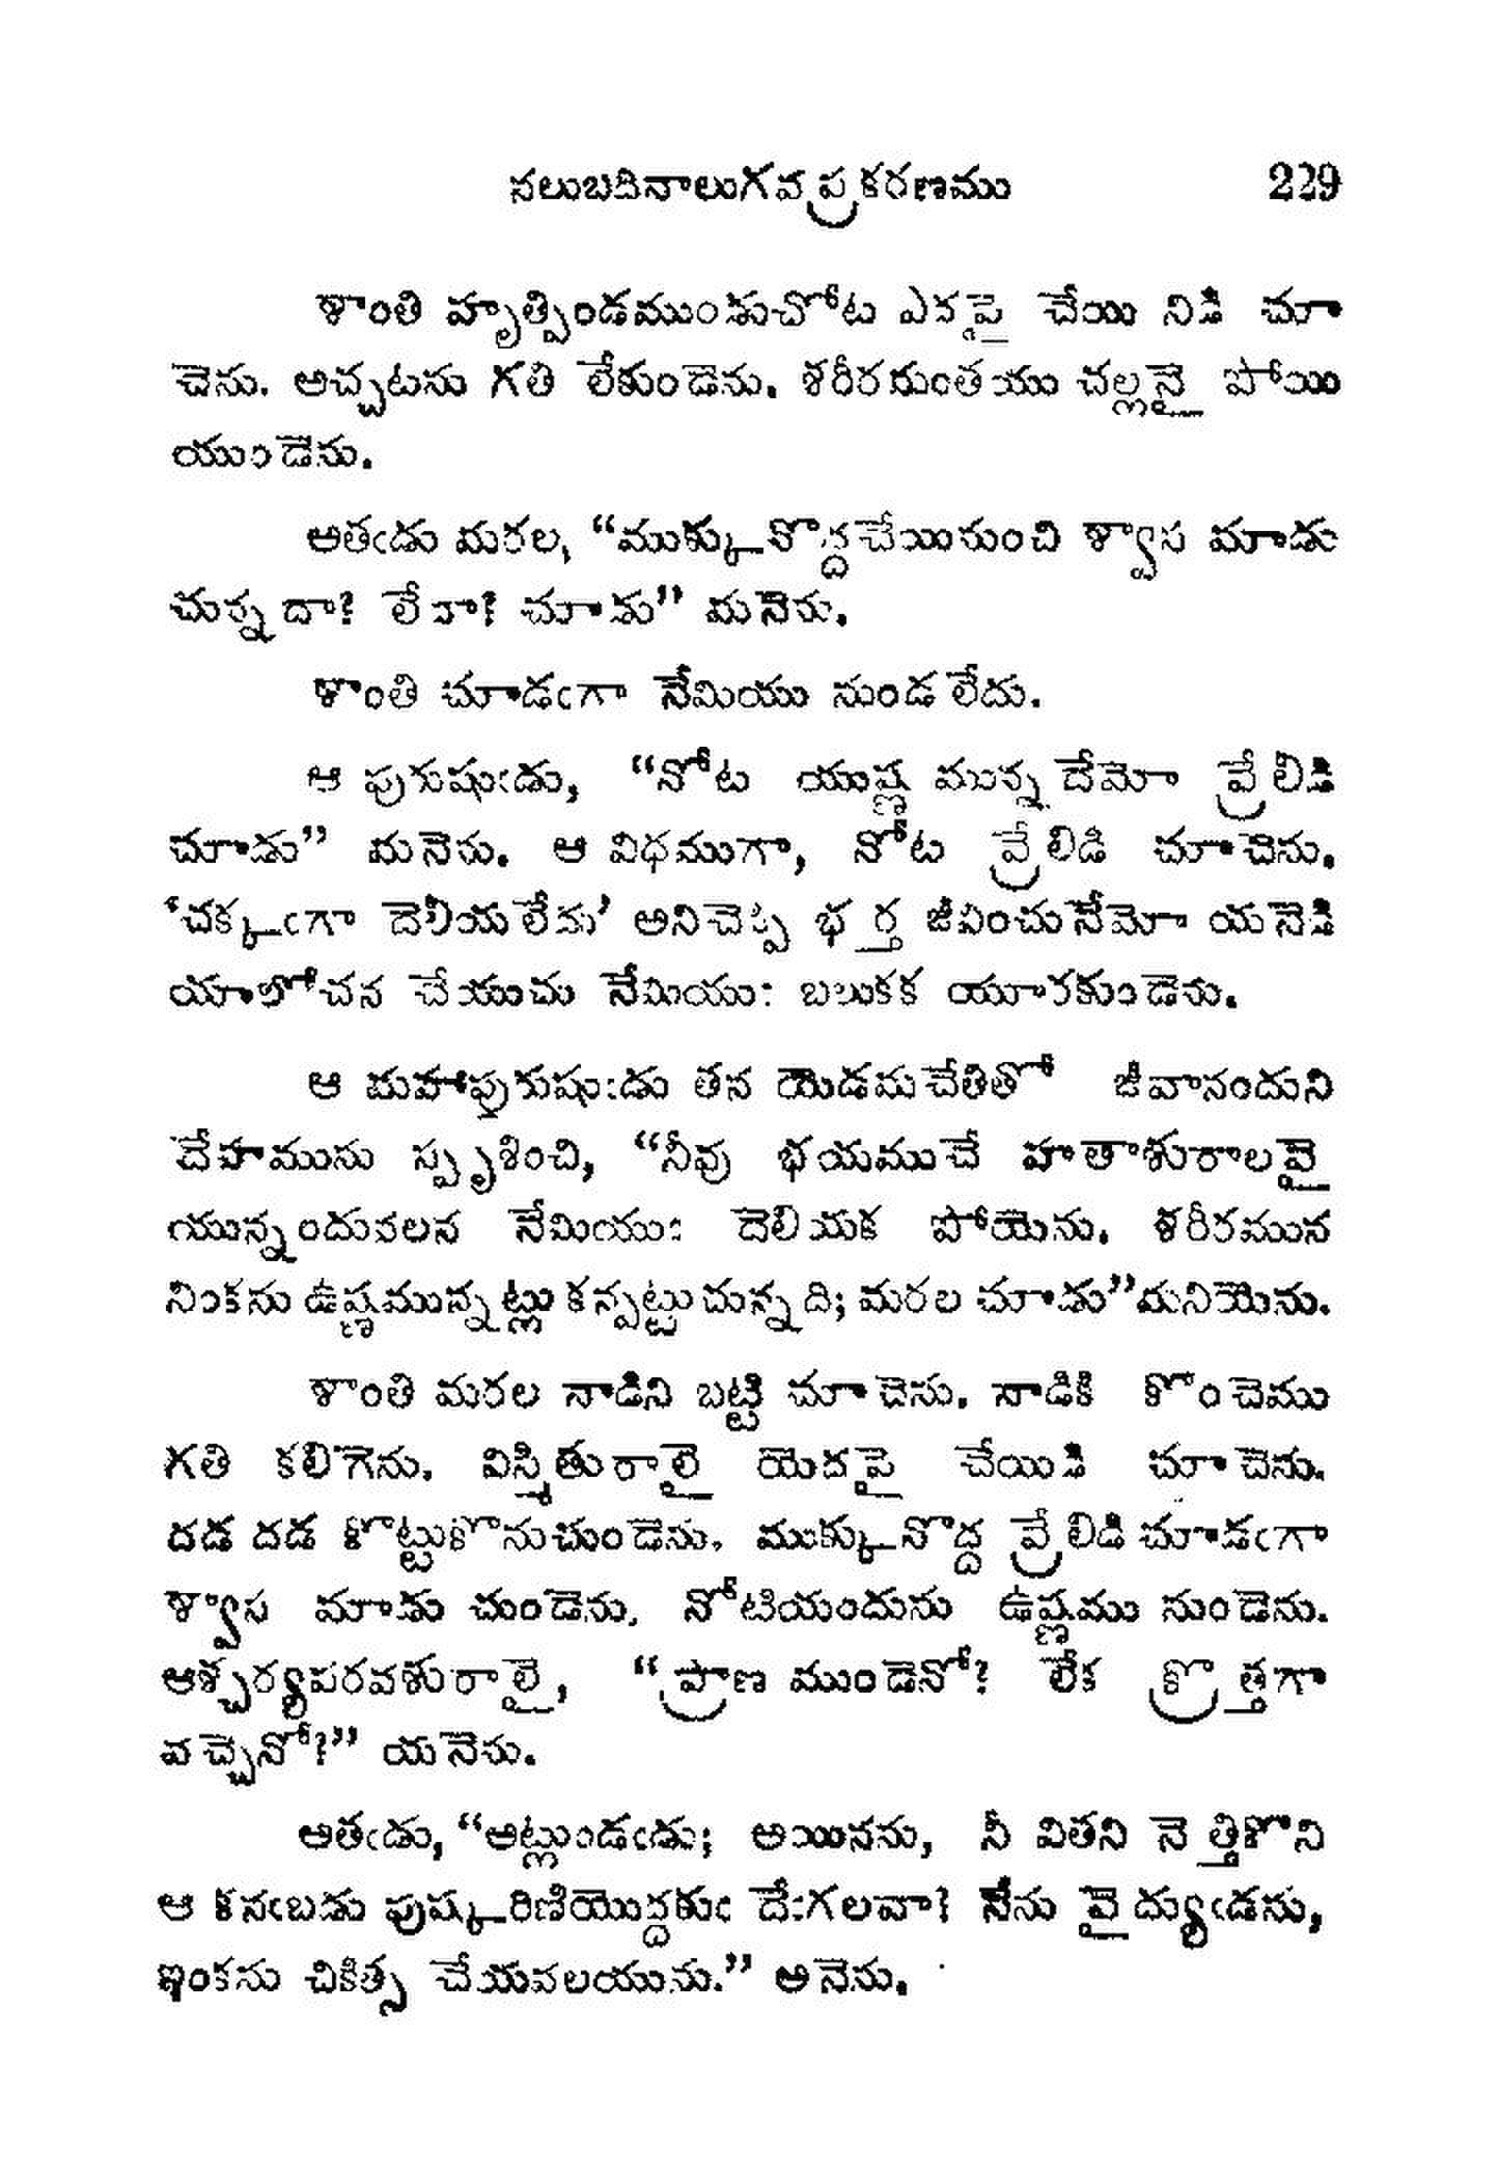శాంతి హృత్పిండముండుచోట ఎదపై చేయి నిడి చూచెను. అచ్చటను గతి లేకుండెను, శరీరమంతయు చల్లనై పోయి
యుండెను.

అతఁడు మరల, “ముక్కు నోద్దచేయినుంచి శ్వాస మాడు చున్నదా? లేదా? చూడు" మనెను.

శాంతి చూడఁగా నేమియు నుండ లేదు.

ఆ పురుషుఁడు, “నోట యుష్ణ మున్న దేమో వ్రేలిడి చూడు” మనెను. ఆ విధముగా, నోట వ్రేలిడి చూచెను. “చక్కఁగా దెలియ లేదు' అని చెప్పి భర్త జీవించునేమో యనెడి యాలోచన చేయుచు నేమియు: బలుకక యూరకుండెను.

ఆ మహాపురుషుడు తన యెడమ చేతితో జీవానందుని దేహమును స్పృశించి, “నీవు భయముచే హతాశురాలవై
యున్నందువలన నేమియు: దెలియక పోయెను. శరీరమున నింకను ఉష్ణమున్నట్లు కన్పట్టుచున్నది; మరల చూడు"మనియెను.

శాంతి మరల నాడిని బట్టి చూచెసు, నాడికి కొంచెము గతి కలిగెను, విస్తితురాలై యెద పై చేయిడి చూచెను. దడ దడ కొట్టుకొనుచుండెను, ముక్కు నొద్ద వ్రేలిడి చూడఁగా శ్వాస యాడు చుండెను, నోటియందును ఉష్ణము నుండెను.
ఆశ్చర్యపరవశురాలై, "ప్రాణ ముండెనో? లేక క్రోత్తగా వచ్చెనో!” యనెను.

అతఁడు, “అట్లుండఁడు; అయినను, నీ వితని నెత్తికొని ఆ కనఁబడు పుష్కరిణి యొద్దకుఁ దేఁగలవా? నేను వైద్యుఁడను,
ఇంకను చికిత్స చేయవలయును.” అనెను. '